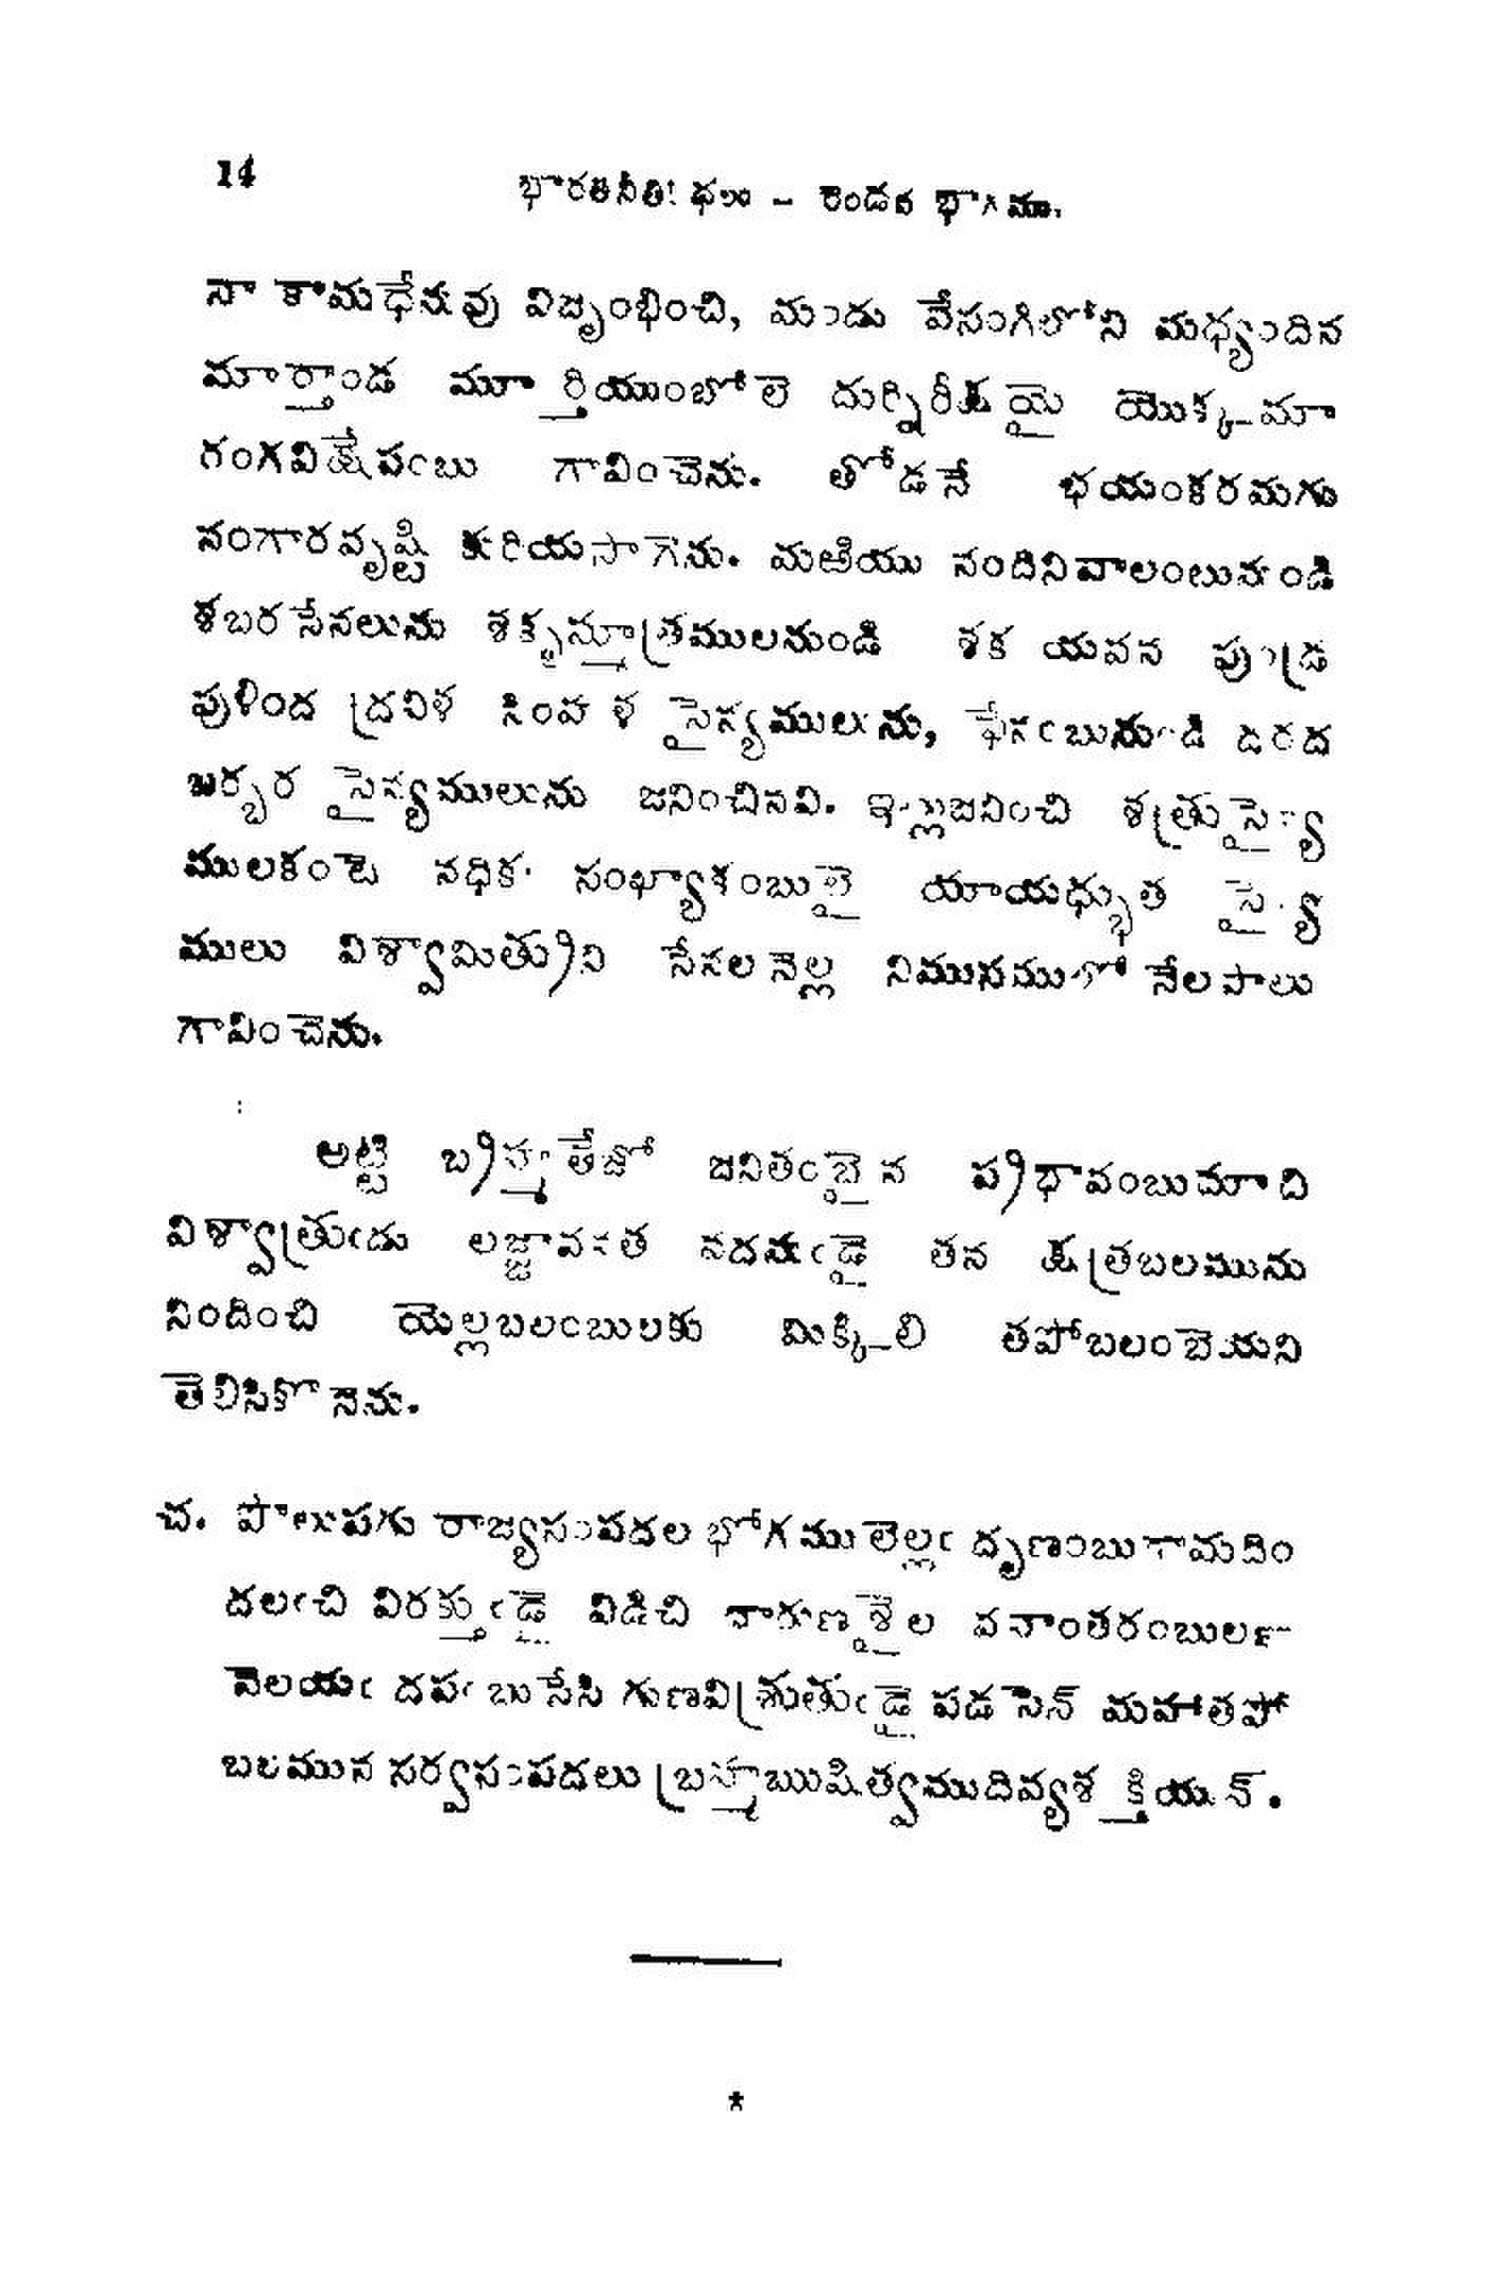నా కామధేనువు విజృంభించి, మండు వేసంగిలోని మధ్యందిన మార్తాండ మూర్తియుంబోలె దుర్నిరీక్షయై యొక్క మారంగవిక్షేపంబు గావించెను. తోడనే భయంకరమగు నంగారవృష్టి కురియసాగెను. మఱియు నందినివాలంబునుండి శబర సేనలును శకృస్మూత్రములనుండి శక యవన పుండ్ర పుళింద ద్రవిళ సింహళ సైన్యములును, ఫేనంబునుండి దరద బర్బర సైన్యములును జనించినవి. ఇట్లుజనించి శత్రుసైన్యములకంటె నధిక సంఖ్యాకంబులై యాయధ్బుత సైన్యములు విశ్వామిత్రుని సేనలనెల్ల నిముసములో నేలపాలు గావించెను.

అట్టి బ్రహ్మతేజో జనితంబైన ప్రభావంబుచూచి విశ్వామిత్రుఁడు లజ్జావనత వదనుఁడై తన క్షత్రబలమును నిందించి యెల్లబలంబులకు మిక్కిలి తపోబలంబెయని తెలిసికొనెను.

చ. పొలుపగు రాజ్యసంపదల భోగములెల్లఁ దృణంబుగామదిం
 దలఁచి విరక్తుఁడై విడిచి దారుణశైల వనాంతరంబులన్
 వెలయఁ దపంబుసేసి గుణవిశ్రుతుఁడై పడసెన్ మహాతపో 
 బలమున సర్వసంపదలు బ్రహ్మఋషిత్వముదివ్యశక్తియున్.